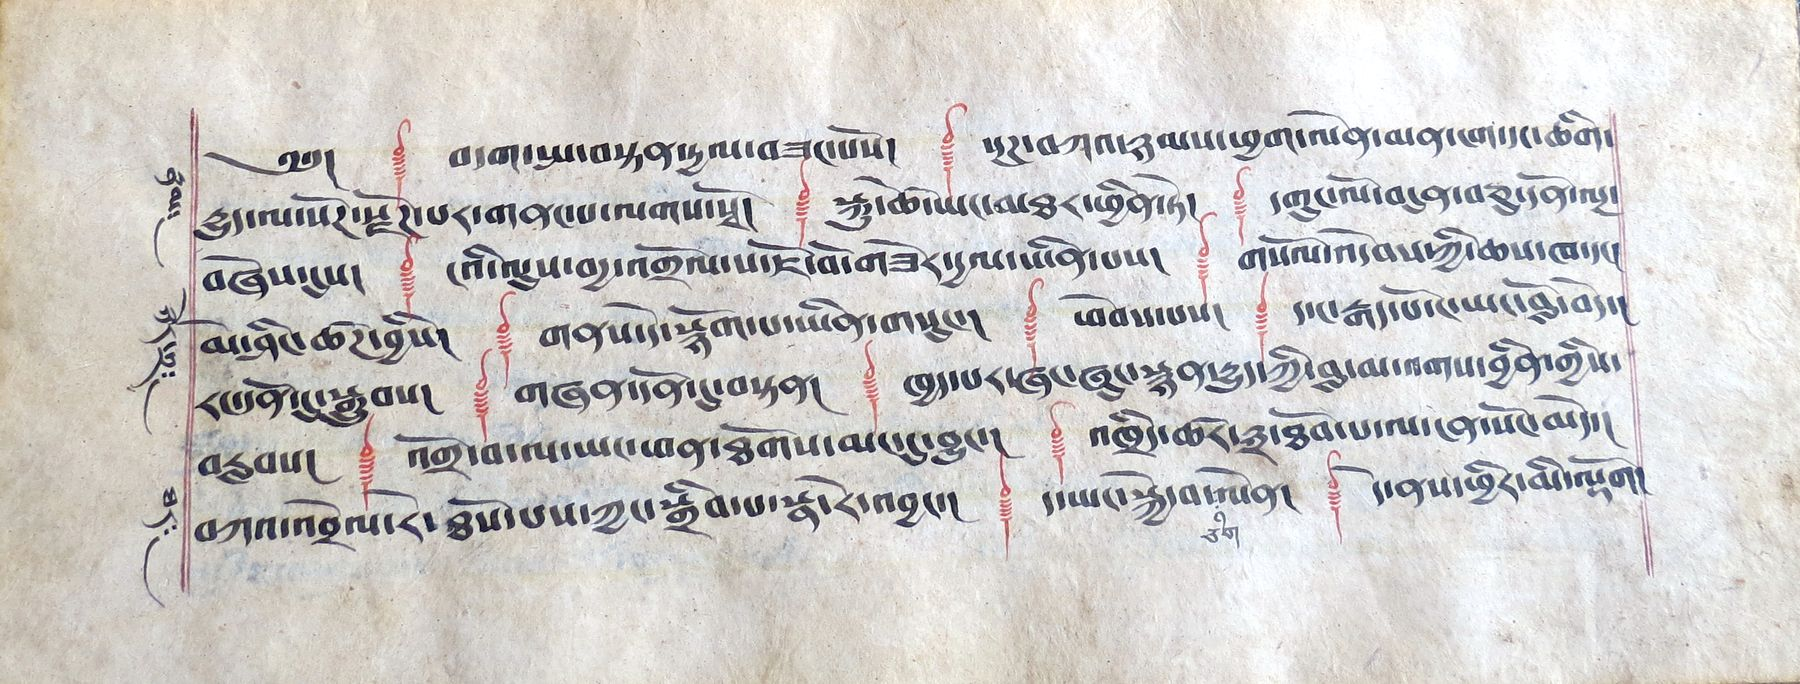སྤ་བསྟན་རྒྱལ་བཟང་པོ་ལ། སྔགས་བཀའ་ཉམས་ཕྱག་ལེན་མན་ངག་དང་ཆིག། 
བརྒྱུད་ལས་སོགས་རྫོགས་པར་གནང་བ་ལགས་སོ། ། སྐུ་ཚེ་ཡང་མཐར་ཕྱིན། དགུང་ལོ་བདུན་ཅུ་ལྔ་
བཞེས་དུས། ངའི་ལུས་རྒྱ་གྲོལ་བ་ཇོ་བོ་གཟེ་རྒྱལ་ཡིན་པས། གསོལ་འདེབས་ཆས་ཁ་དང་། 
མེ་ཤིང་ཚགས་གྱིས། གནས་དེར་སྙོག་པ་ཡིན་གསུངས། ཕེབས་པས། ད་རྒད་པོ་ང་ཡང་བློ་བདེ། 
རང་དོན་དུ་བསྒྲུབས། གཞན་དོན་དུ་བསྟན། ཁྱད་པར་ཞང་ཞུང་སྙན་རྒྱུད་ཀྱི་བླ་མ་འགས་བྱིན་གྱིས་
རླབས། འགྲོ་བ་ལ་ཡང་ཕན་ཐོགས་མང་དུ་བྱུང་། ཁྲིད་ཚར་གསུམ་ཐོབ་པ་ལ་ངན་སོང་མེད། 
བཀའ་འབྲེལ་རེ་ཐོབ་པས་ཀྱང་སྒྲིབ་པ་སྣ་རེ་འབྱང་། ད་ཡང་སྐྱེ་བ་གཅིག་ལེན། དེ་ནས་ཕྱིར་མི་ལྡོག